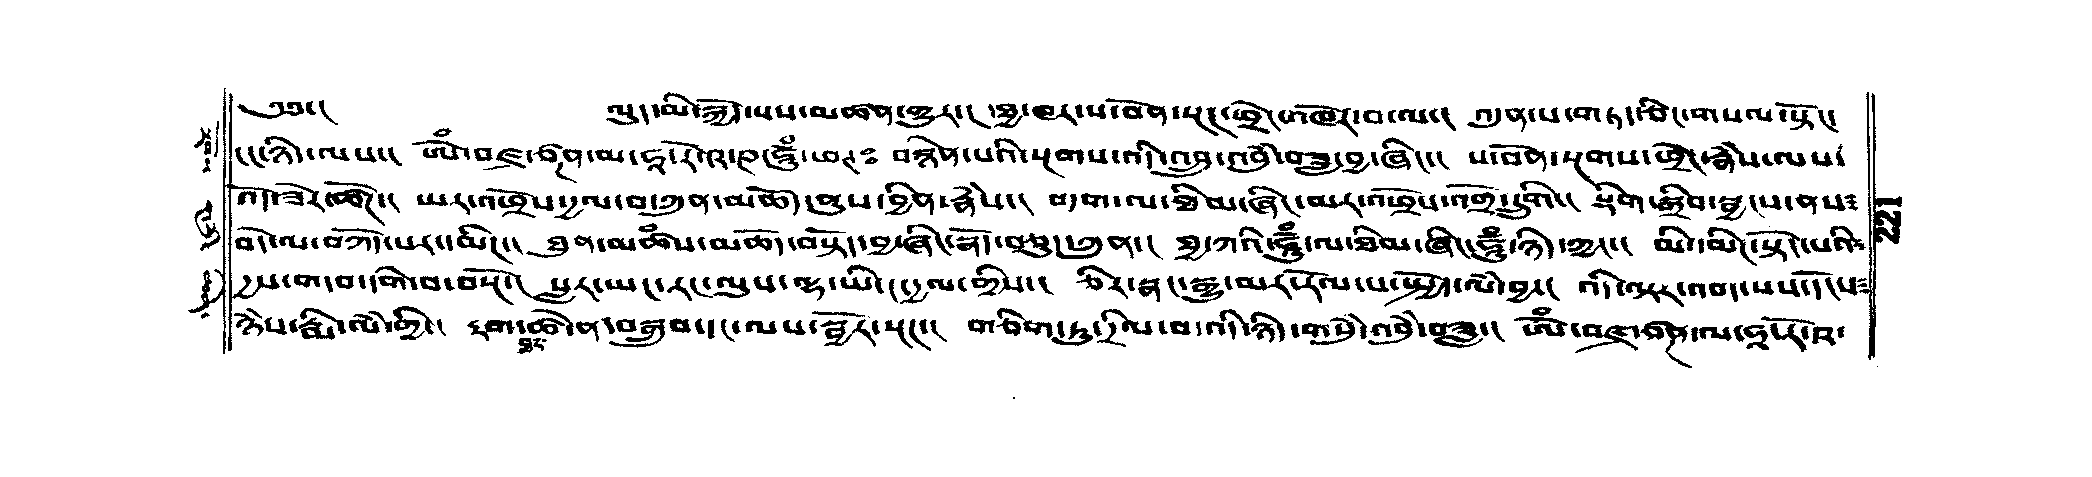ལུད་མི་སྐྱོད་པས་མཚན་གྱུར། ཐུགས་ཁར་ས་བོན་སྔགས་ཕྲེང་འཁོར་བ་ལ། འདུན་པ་གཏད་ཅིང་གསལ་སྟོང་
ངང་ཉིད་ལས། ཨོཾ་བཛྲ་ཙནྜ་མ་ཧཱ་རོ་ར་ཎ་ཧཱུྃ་ཕཊཿ བསྙེན་པའི་སྔགས་འདི་འབྲུ་འབུམ་བཟླ་བྱ་ཞིང་། ས་བོན་སྔགས་ཕྲེང་རྣམས་ལས་
འོད་ཟེར་ཚོགས། ཡར་འཕྲོས་རྒྱལ་བ་ཀུན་མཆོད་ནུས་བྱིན་རྣམས། བདག་ལ་ཐིམ་ཞིང་མར་འཕྲོས་འགྲོ་དྲུག་གི སྡིག་སྒྲིབ་སྦྱངས་ནས་
བདེ་ལ་བཀོད་པར་དམིགས། ཐུན་མཚམས་མཆོད་བསྟོད་བྱ་ཞིང་སྣོད་བཅུད་ཀུན། ཐུགས་ཀའི་ཧཱུྃ་ལ་ཐིམ་ཞིང་ཧཱུྃ་ཉིད་ཀྱང་། མི་དམིགས་སྟོང་པའི་
རྒྱས་གདབ་དགེ་བ་བསྔོ། སླར་ཡང་རང་ལུས་ལྷ་ཡི་ང་རྒྱལ་གྱིས། ཅིར་སྣང་སྒྱུ་མར་རོལ་པ་སྤྱོད་ལམ་བྱ། འདི་ལྟར་འབད་པས་དངོས་
ཉམས་རྨི་ལམ་གྱི། རྟག་བྱང་ཚེ་ན་བསྒྲུབ་དང་ལས་སྦྱོར་སྔགས། གཅིག་ཏུ་དྲིལ་བ་འདི་ཉིད་གསུམ་འབུམ་བཟླ། ཨོཾ་བཛྲ་ཙནྜ་མ་ཧཱ་རོ་ར་